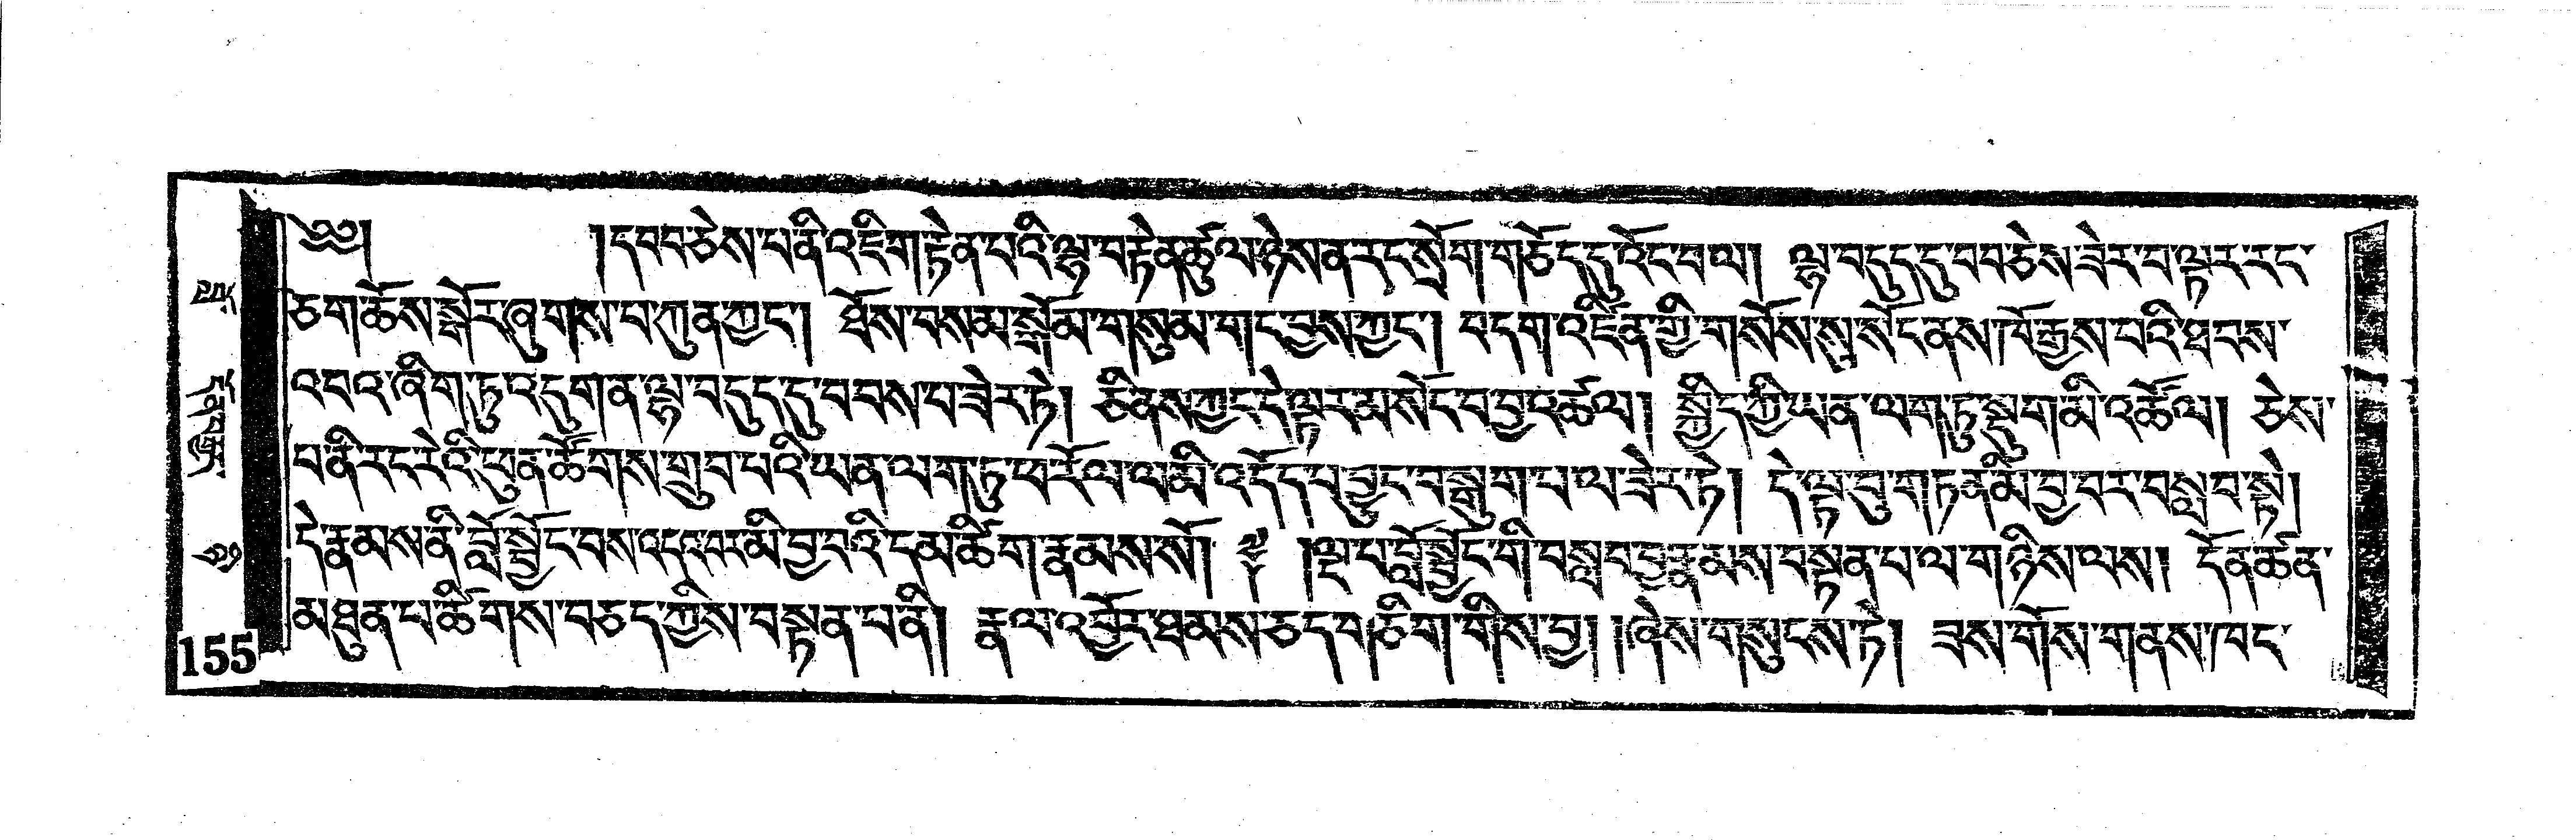༄༅། །དབབ་ཅེས་པ་ནི་འཇིག་རྟེན་པའི་ལྷ་བརྟེན་ཚུལ་ཉེས་ན་རང་སྲོག་གཅོད་དུ་འོང་བ་ལ། ལྷ་བདུད་དུ་བབ་ཅེས་ཟེར་བ་ལྟར་རང་
ཅག་ཆོས་སྒོར་ཞུགས་པ་ཀུན་ཀྱང་། ཐོས་བསམ་སྒོམ་གསུམ་གང་བྱས་ཀྱང་། བདག་འཛིན་གྱི་གསོས་སུ་སོང་ནས་ཁོ་རྒྱས་པའི་ཐབས་
འབའ་ཞིག་ཏུ་འདུག་ན་ལྷ་བདུད་དུ་བབས་པ་ཟེར་ཏེ། ཅི་ནས་ཀྱང་དེ་ལྟར་མ་སོང་བ་བྱ་འཚལ། སྐྱིད་ཀྱི་ཡན་ལག་ཏུ་སྡུག་མི་འཚོལ། ཅེས་
པ་ནི་རང་རེའི་ཕུན་ཚོགས་གྲུབ་པའི་ཡན་ལག་ཏུ་ཕ་རོལ་ལ་མི་འདོད་པ་བྱུང་བ་སྒུག་པ་ལ་ཟེར་ཏེ། དེ་ལྟ་བུ་གཏན་མི་བྱ་བར་བསླབ་སྟེ།
དེ་རྣམས་ནི་བློ་སྦྱོང་བས་འདའ་བར་མི་བྱ་བའི་དམ་ཚིག་རྣམས་སོ། ༈ །ལྔ་པ་བློ་སྦྱོང་གི་བསླབ་བྱ་རྣམས་བསྟན་པ་ལ་གཉིས་ལས། དོན་ཚན་
མཐུན་པ་ཚིགས་བཅད་ཀྱིས་བསྟན་པ་ནི། རྣལ་འབྱོར་ཐམས་ཅད་གཅིག་གིས་བྱ། །ཞེས་གསུངས་ཏེ། ཟས་གོས་གནས་ཁང་